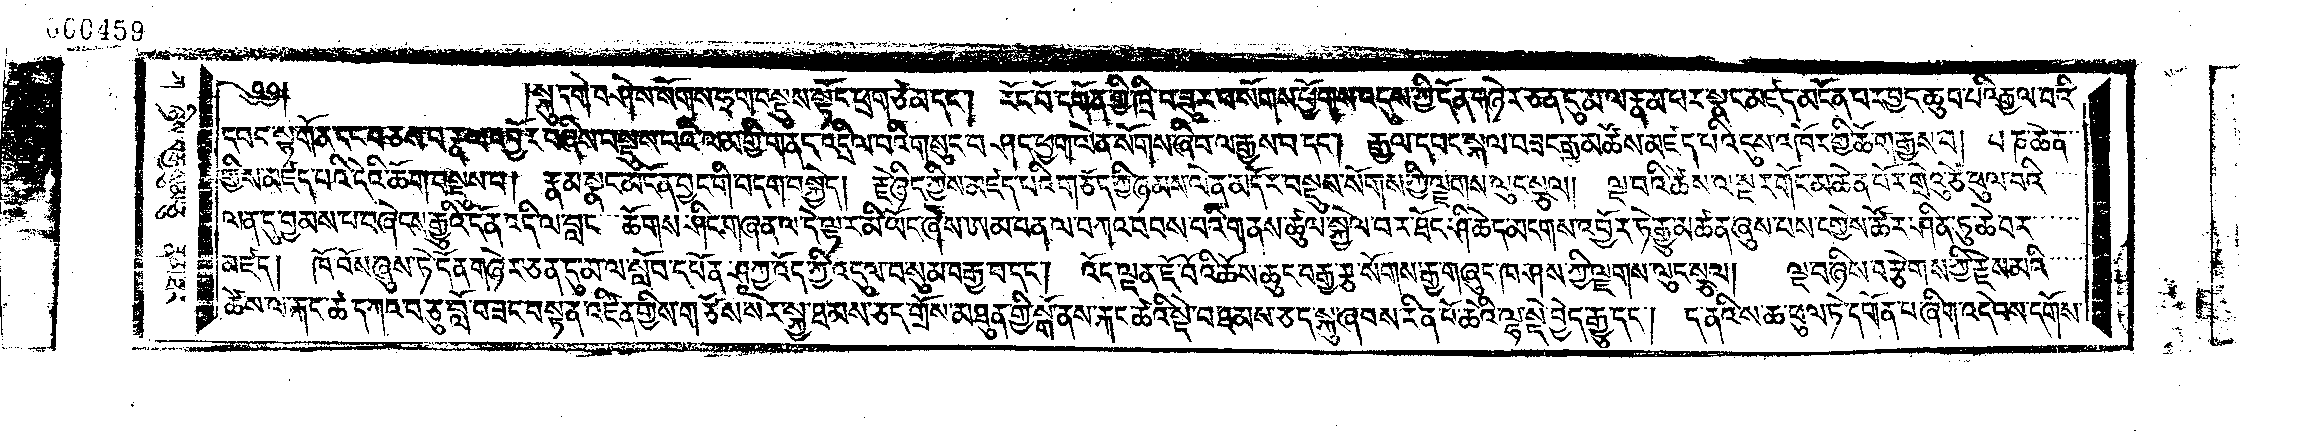༄༅། །སྐུ་དགེ་བཤེས་སོགས་ཧྲག་བསྡུས་སྟོང་ཕྲག་ཙམ་དང་། རོང་པོ་དགོན་གྱི་ཁྲི་བཟུར་བ་སོགས་ཕྱོགས་འདུས་ཀྱི་དོན་གཉེར་ཅན་དུ་མ་ལ་རྣམ་པར་སྣང་མཛད་མངོན་པར་བྱང་ཆུབ་པའི་རྒྱལ་པོའི་
དབང་སྟ་གོན་དང་བཅས་པ་རྣལ་འབྱོར་བཞིས་བསྡུས་པའི་ལམ་གྱི་གནད་འདྲིལ་བའི་གསུང་བཤད་ཕྱག་ལེན་སོགས་ཞིབ་ལ་རྒྱས་པ་དང་། རྒྱལ་དབང་སྐལ་བཟང་རྒྱ་མཚོས་མཛད་པའི་དུས་འཁོར་གྱི་ཆོ་ག་རྒྱས་པ། པཎ་ཆེན་
གྱིས་མཛད་པའི་དེའི་ཆོ་ག་བསྡུས་པ། རྣམ་སྣང་མངོན་བྱང་གི་བ་དག་བསྐྱེད། རྗེ་ཉིད་ཀྱིས་མཛད་པའི་གཅོད་ཀྱི་ཉམས་ལེན་མདོར་བསྡུས་སོགས་ཀྱི་ལྗགས་ལུང་སྩལ། ལྔ་པའི་ཚེས་ལ་སྔར་གོང་མ་ཆེན་པོར་གྲེའུ་ཙེ་ཕུལ་བའི་
ལན་དུ་བྱམས་པ་བཞེངས་རྒྱུའི་དོན་འདི་ལ་བླང་ཆོགས་ཤིང་གཞན་ལ་དེ་ལྟར་མི་ཡོང་ཞེས་ཨམ་བན་ལ་བཀའ་བབས་པའི་གནས་ཚུལ་སྐྱེལ་བར་ཐོང་ཤི་ཆེད་མངགས་འབྱོར་ཏེ་རྒྱུ་མཚན་ཞུས་པས་དགྱེས་ཚོར་ཤིན་ཏུ་ཆེ་བར་
མཛད། ཁོ་བོས་ཞུས་ཏེ་དོན་གཉེར་ཅན་དུ་མ་ལ་སློབ་དཔོན་ཤཱཀྱ་འོད་ཀྱི་འདུལ་བ་སུམ་བརྒྱ་བ་དང་། འོད་ལྡན་ཇོ་བོའི་ཆོས་ཆུང་བརྒྱ་རྩ་སོགས་རྒྱ་གཞུང་ཁ་ཤས་ཀྱི་ལྗགས་ལུང་སྩལ། ལྔ་པ་ཉིས་བརྩེགས་ཀྱི་རྗེས་མའི་
ཚེས་ལ་རྐང་ཚ་དཀའ་བཅུ་བློ་བཟང་བསྟན་འཛིན་གྱིས་གཙོས་སེར་སྐྱ་ཐམས་ཅད་གྲོས་མཐུན་གྱི་སྒོ་ནས་རྐང་ཚའི་སྡེ་བ་ཐམས་ཅད་སྐུ་ཞབས་རིན་པོ་ཆེའི་ལྷ་སྡེ་བྱེད་རྒྱུ་དང་། ད་ནའི་ས་ཆ་ཕུལ་ཏེ་དགོན་པ་ཞིག་འདེབས་དགོས་